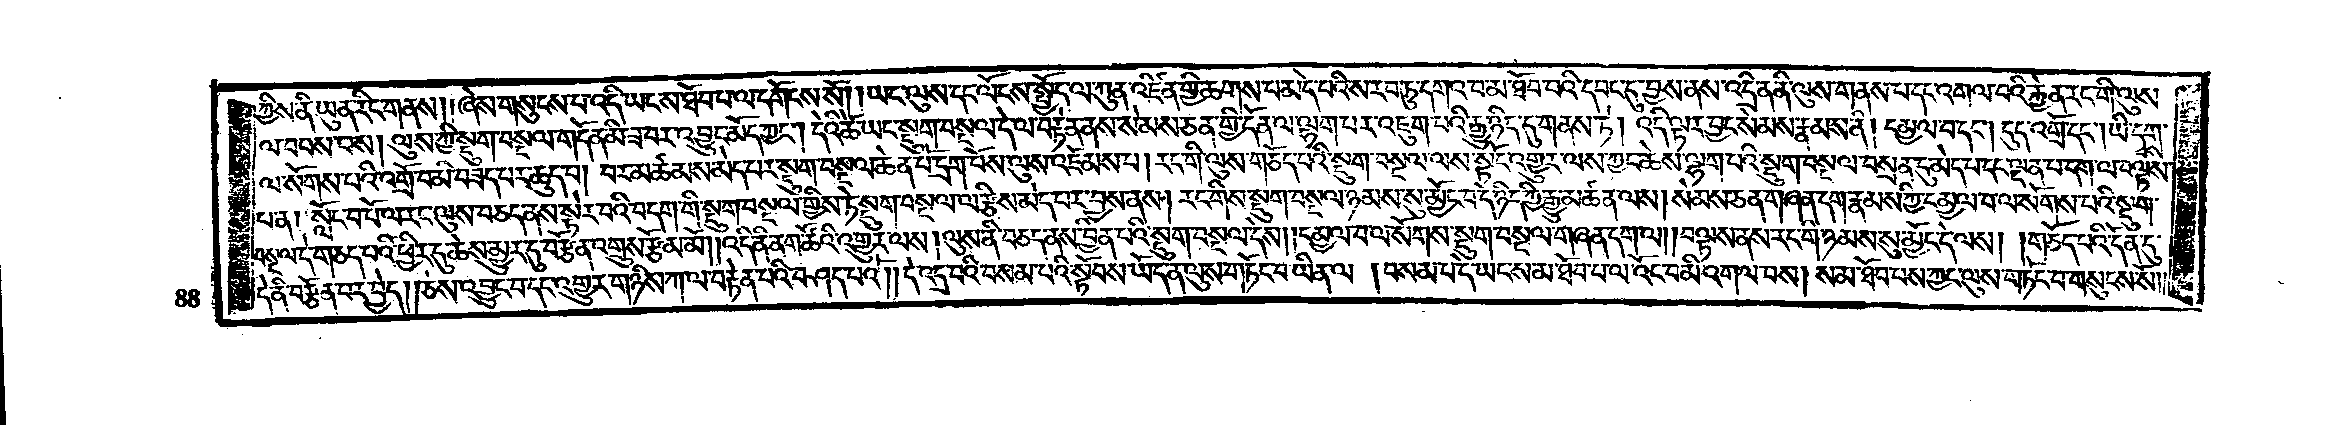ཀྱིས་ནི་ཡུན་རིང་གནས། །ཞེས་གསུངས་པ་འདི་ཡང་ས་ཐོབ་པ་ལ་དགོངས་སོ། །ཡང་ལུས་དང་ལོངས་སྤྱོད་ལ་ཀུན་འཛིན་གྱི་ཆགས་པ་མེད་པའི་ས་རབ་ཏུ་དགའ་བ་མ་ཐོབ་པའི་དབང་དུ་བྱས་ནས་འདྲི་ན་ནི་ལུས་གནས་པ་དང་འགལ་བའི་རྐྱེན་རང་གི་ལུས་
ལ་བབས་པས། ལུས་ཀྱི་སྡུག་བསྔལ་གདོན་མི་ཟ་བར་འབྱུང་མོད་ཀྱང་། དེའི་ཚེ་ཡང་སྡུག་བསྔལ་དེ་ལ་བརྟེན་ནས་སེམས་ཅན་གྱི་དོན་ལ་ལྷག་པར་འཇུག་པའི་རྒྱུ་ཉིད་དུ་གནས་ཏེ། འདི་ལྟར་བྱང་སེམས་རྣམས་ནི། དམྱལ་བ་དང་། དུད་འགྲོ་དང་། ཡི་དྭགས་
ལ་སོགས་པའི་འགྲོ་བ་མི་བཟད་པར་ཆུད་པ། བར་མཚམས་མེད་པར་སྡུག་བསྔལ་ཆེན་པོ་དྲག་པོས་ལུས་འཇོམས་པ། རང་གི་ལུས་གཅོད་པའི་སྡུག་བསྔལ་ལས་སྟོང་འགྱུར་ལས་ཀྱང་ཆེས་ལྷག་པའི་སྡུག་བསྔལ་བསྲན་དུ་མེད་པ་དང་ལྡན་པ་དག་ལ་བལྟས་
པ་ན། སློང་བ་པོ་ལ་རང་ལུས་བཅད་ནས་སྟེར་བའི་བདག་གི་སྡུག་བསྔལ་གྱིས་ཏེ་སྡུག་བསྔལ་ལ་རྩིས་མེད་པར་བྱས་ནས། རང་གིས་སྡུག་བསྔལ་ཉམས་སུ་མྱོང་བ་དེ་ཉིད་ཀྱི་རྒྱུ་མཚན་ལས། སེམས་ཅན་གཞན་དག་རྣམས་ཀྱི་དམྱལ་བ་ལ་སོགས་པའི་སྡུག་
བསྔལ་དེ་གཅད་པའི་ཕྱིར་དུ་ཆོས་མྱུར་དུ་བརྩོན་འགྲུས་རྩོམ་མོ། །འདི་ནི་ནག་ཚོའི་འགྱུར་ལས། ལུས་ནི་བཅད་ནས་བྱིན་པའི་སྡུག་བསྔལ་དེས། །དམྱལ་བ་ལ་སོགས་སྡུག་བསྔལ་གཞན་དག་ལ། །བལྟས་ནས་རང་གི་ཉམས་སུ་མྱོང་དེ་ལས། །གཅོད་པའི་དོན་དུ་
དེ་ནི་བརྩོན་པར་བྱེད། །ཅེས་འབྱུང་བ་དང་འགྱུར་གཉིས་ཀ་ལ་བརྟེན་པའི་བཤད་པའོ། །དེ་འདྲ་བའི་བསམ་པའི་སྟོབས་ཡོད་ན་ལུས་གཏོང་བ་ཡིན་ལ་བསམ་པ་དེ་ཡང་ས་མ་ཐོབ་པ་ལ་འོང་བ་མི་འགལ་བས། ས་མ་ཐོབ་པས་ཀྱང་ལུས་གཏོང་བ་གསུངས་སོ། །